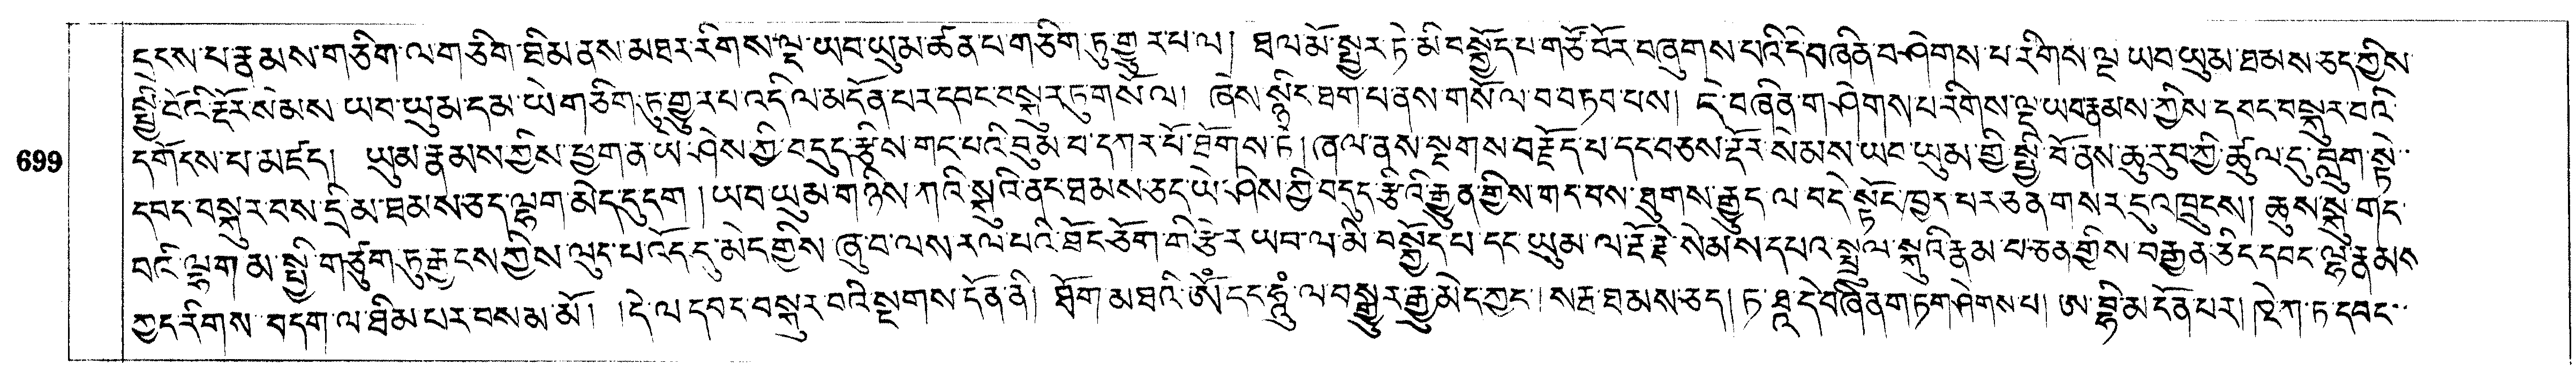དྲངས་པ་རྣམས་གཅིག་ལ་གཅིག་ཐིམ་ནས་མཐར་རིགས་ལྔ་ཡབ་ཡུམ་ཚན་པ་གཅིག་ཏུ་གྱུར་པ་ལ། ཐལ་མོ་སྤྱར་ཏེ་མི་བསྐྱོད་པ་གཙོ་བོར་བཞུགས་པའི་དེ་བཞིན་བཤེགས་པ་རིགས་ལྔ་ཡབ་ཡུམ་ཐམས་ཅད་ཀྱིས་
སྤྱི་བོའི་རྡོར་སེམས་ཡབ་ཡུམ་དམ་ཡེ་གཅིག་ཏུ་གྱུར་པ་འདི་ལ་མངོན་པར་དབང་བསྐུར་ཏུ་གསོལ། ཞེས་སྙིང་ཐག་པ་ནས་གསོལ་བ་བཏབ་པས། དེ་བཞིན་གཤེགས་པ་རིགས་ལྔ་ཡབ་རྣམས་ཀྱིས་དབང་བསྐུར་བའི་
དགོངས་པ་མཛད། ཡུམ་རྣམས་ཀྱིས་ཕྱག་ན་ཡེ་ཤེས་ཀྱི་བདུད་རྩིས་གང་པའི་བུམ་པ་དཀར་པོ་ཐོགས་ཏེ། ཞལ་ནས་སྔགས་བརྗོད་པ་དང་བཅས་རྡོར་སེམས་ཡབ་ཡུམ་གྱི་སྤྱི་བོ་ནས་ཆུ་རུབ་ཀྱི་ཚུལ་དུ་བླུག་སྟེ་
དབང་བསྐུར་བས་དྲི་མ་ཐམས་ཅད་ལྷག་མེད་དུ་དག །ཡབ་ཡུམ་གཉིས་ཀའི་སྐུའི་ནང་ཐམས་ཅད་ཡེ་ཤེས་ཀྱི་བདུད་རྩིའི་རྒྱུན་གྱིས་གང་བས་ཐུགས་རྒྱུད་ལ་བདེ་སྟོང་ཁྱད་པར་ཅན་གསར་དུ་འཁྲུངས། ཆུས་སྐུ་གང་
བའི་ལྷག་མ་སྤྱི་གཙུག་ཏུ་རྒྱངས་ཀྱིས་ལུང་པ་འོད་དུ་མེད་གྱིས་ཞུ་བ་ལས་རལ་པའི་ཐོང་ཅོག་གི་རྩེར་ཡབ་ལ་མི་བསྐྱོད་པ་དང་ཡུམ་ལ་རྡོ་རྗེ་སེམས་དཔའ་སྤྲུལ་སྐུའི་རྣམ་པ་ཅན་གྱིས་བརྒྱན་ཅིང་དབང་ལྷ་རྣམས་
ཀྱང་རིགས་བདག་ལ་ཐིམ་པར་བསམ་མོ། །དེ་ལ་དབང་བསྐུར་བའི་སྔགས་དོན་ནི། ཐོག་མཐའི་ཨོཾ་དང་ཧཱུཾ་ལ་བསྒྱུར་རྒྱུ་མེད་ཀྱང་། སརྦ་ཐམས་ཅད། ཏ་ཐཱ་དེ་བཞིན་ག་ཏ་གཤེགས་པ། ཨ་བྷི་མངོན་པར། ཥེ་ཀ་ཏ་དབང་